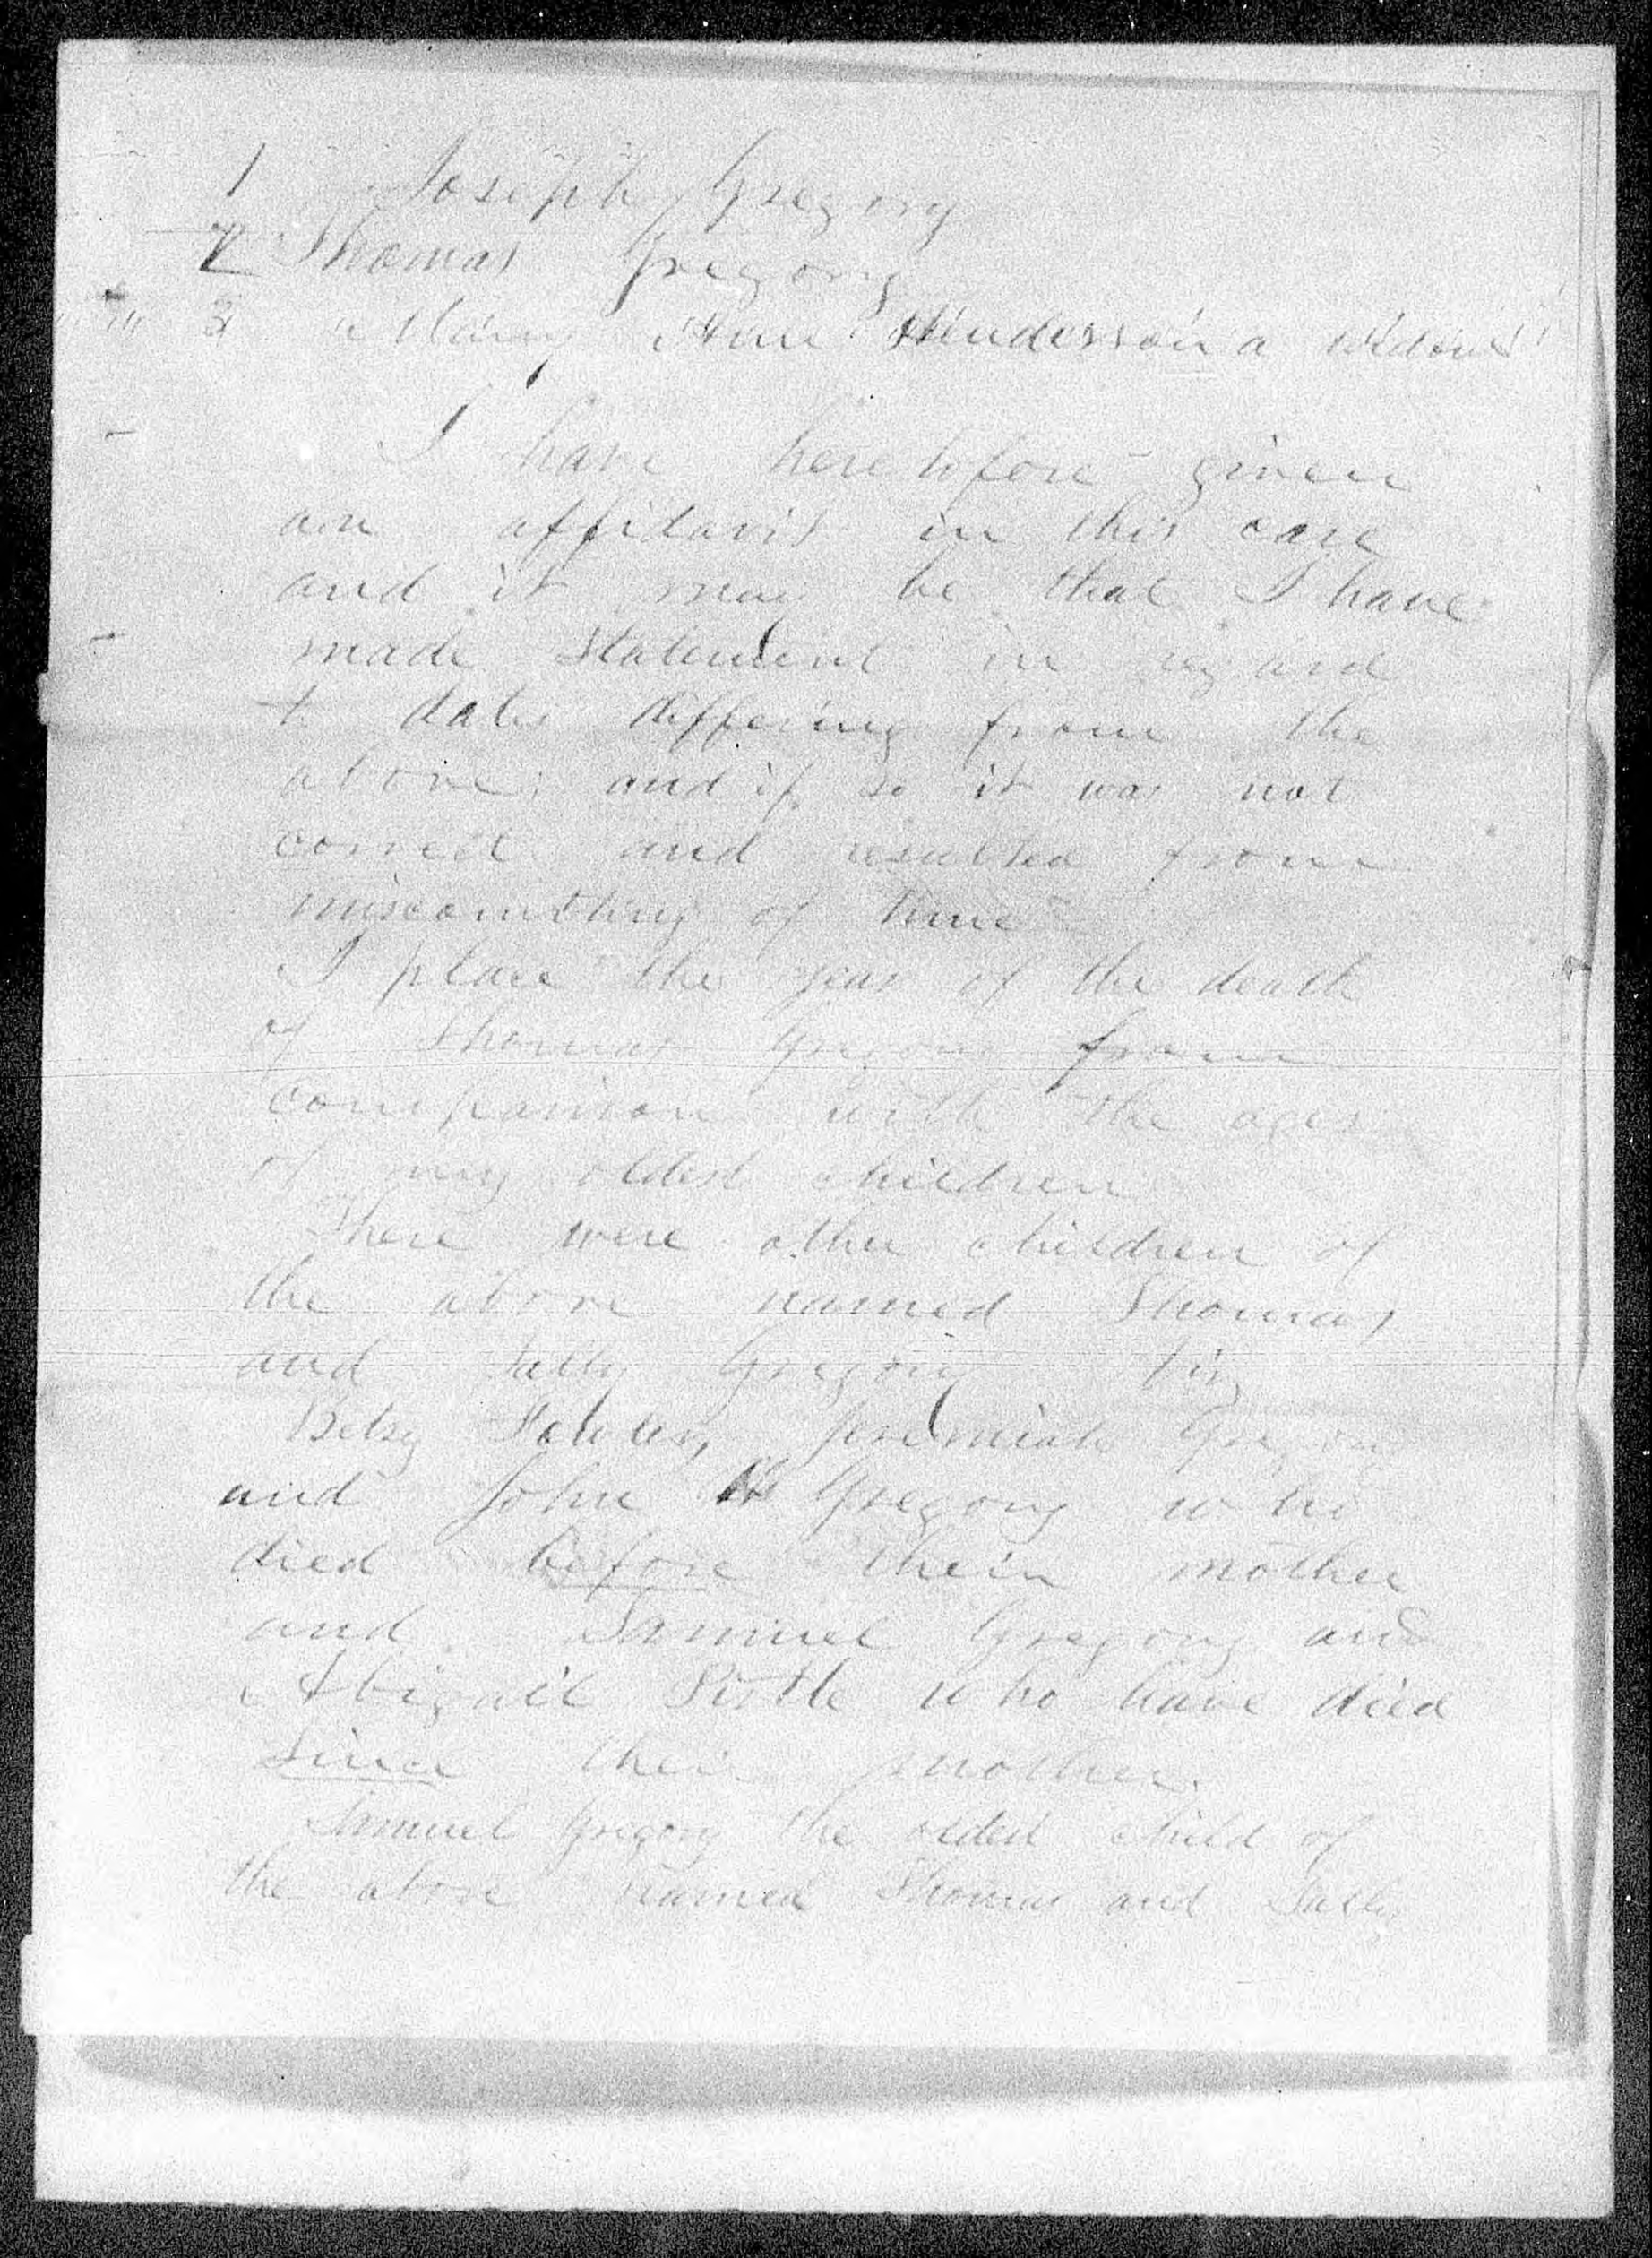1  Joseph Gregory
2 Thomas Gregory
3  Mary Ann Henderson a widow
I have heretofore given an affidavit in this case and it may be that I have made statement in regard to dates differing from the above; and if so it was not correct and resulted from miscounting of time.
I place the year of the death of Thomas Gregory from comparison with the ages of my oldest children.
There were other children of the above named Thomas and Sally Gregory Viz
Betsy Fowler, Jeremiah Gregory, and John Gregory who died before their mother and Samuel Gregory and Abigail Pirtle who have died since their mother.
Samuel Gregory the oldest child of the above named Thomas and Sally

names: Sally, Thomas Gregory, Joseph Gregory, John W Gregory, Thomas, Samuel Gregory, Sally Gregory, Jeremiah Gregory, Thomas Gregory, Samuel Gregory, Betsy Fowler, Mary Ann Henderson, Abigail Pirtle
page: 67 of 75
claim: widow's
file: W. 8876, Thomas Gregory, Continental Va